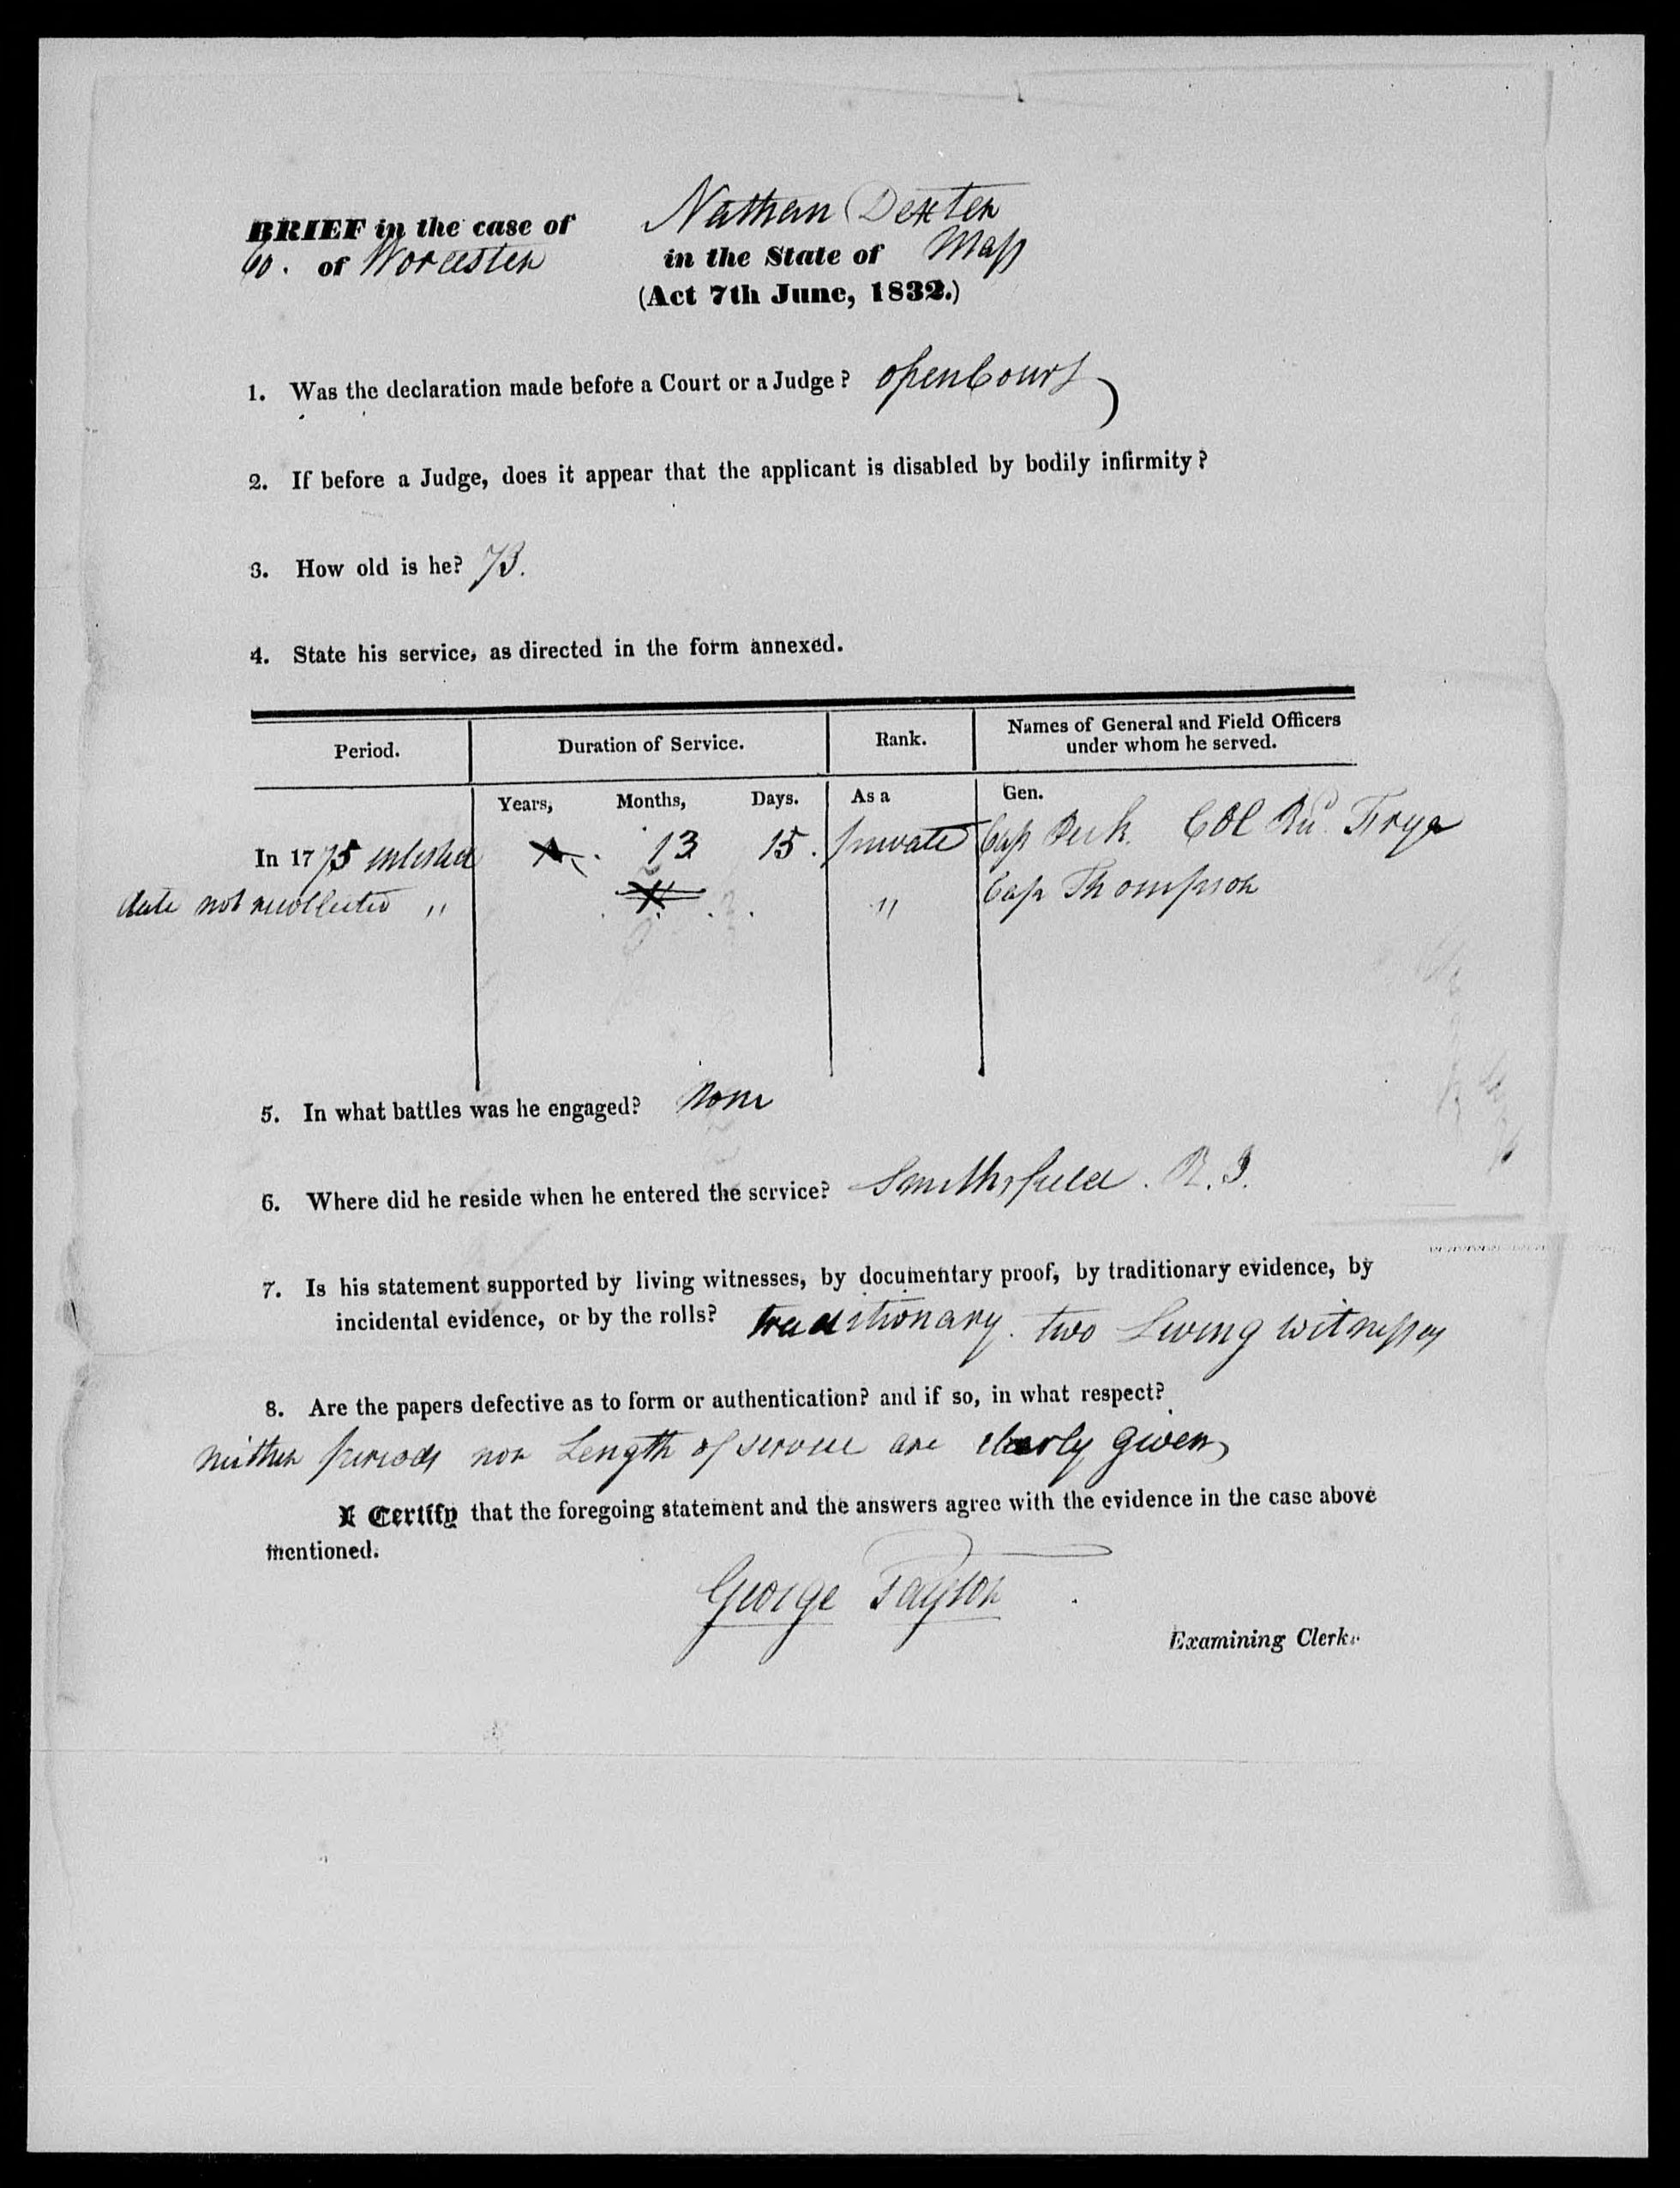BRIEF in the case of Nathan Dexter 
Co. of Worcester in the State of Mass
(Act 7th June, 1832.)
1.  Was the declaration made before a Court or a Judge?  open Court
2.  If before a Judge, does it appear that the applicant is disabled by bodily infirmity?
3.  How old is he?  73.
4.  State his service, as directed in the form annexed.
Period.
In 1775 enlisted 
date not recollected, enlisted 
Duration of Serviced.
13 Months 15 Days.
Rank.
As a Private 
Private
Names of General and Field Officers under whom he served.
Gen.
Cap Peck
Col Bu'd Frye
Cap Thompson
5.  In what battles was he engaged?  None
6.  Where did he reside when he entered the service?  Smithfield, R. I.
7.  Is his statement supported by living witnesses, by documentary proof, by traditionary evidence, by incidental evidence, or by the rolls?  traditionary, two living witnesses
8.  Are the papers defective as to form or authentication?  and if so, in what respect?  neither periods nor length of service are clearly given
I Certify that the foregoing statement and the answers agree with the evidence in the case above mentioned.
George Payton
Examining Clerk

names: George Taylor, Peck, Nathan Dexter, Thompson, Richd Frye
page: 6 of 35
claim: survivor's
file: S. 18374, Nathan Dexter, R.I.